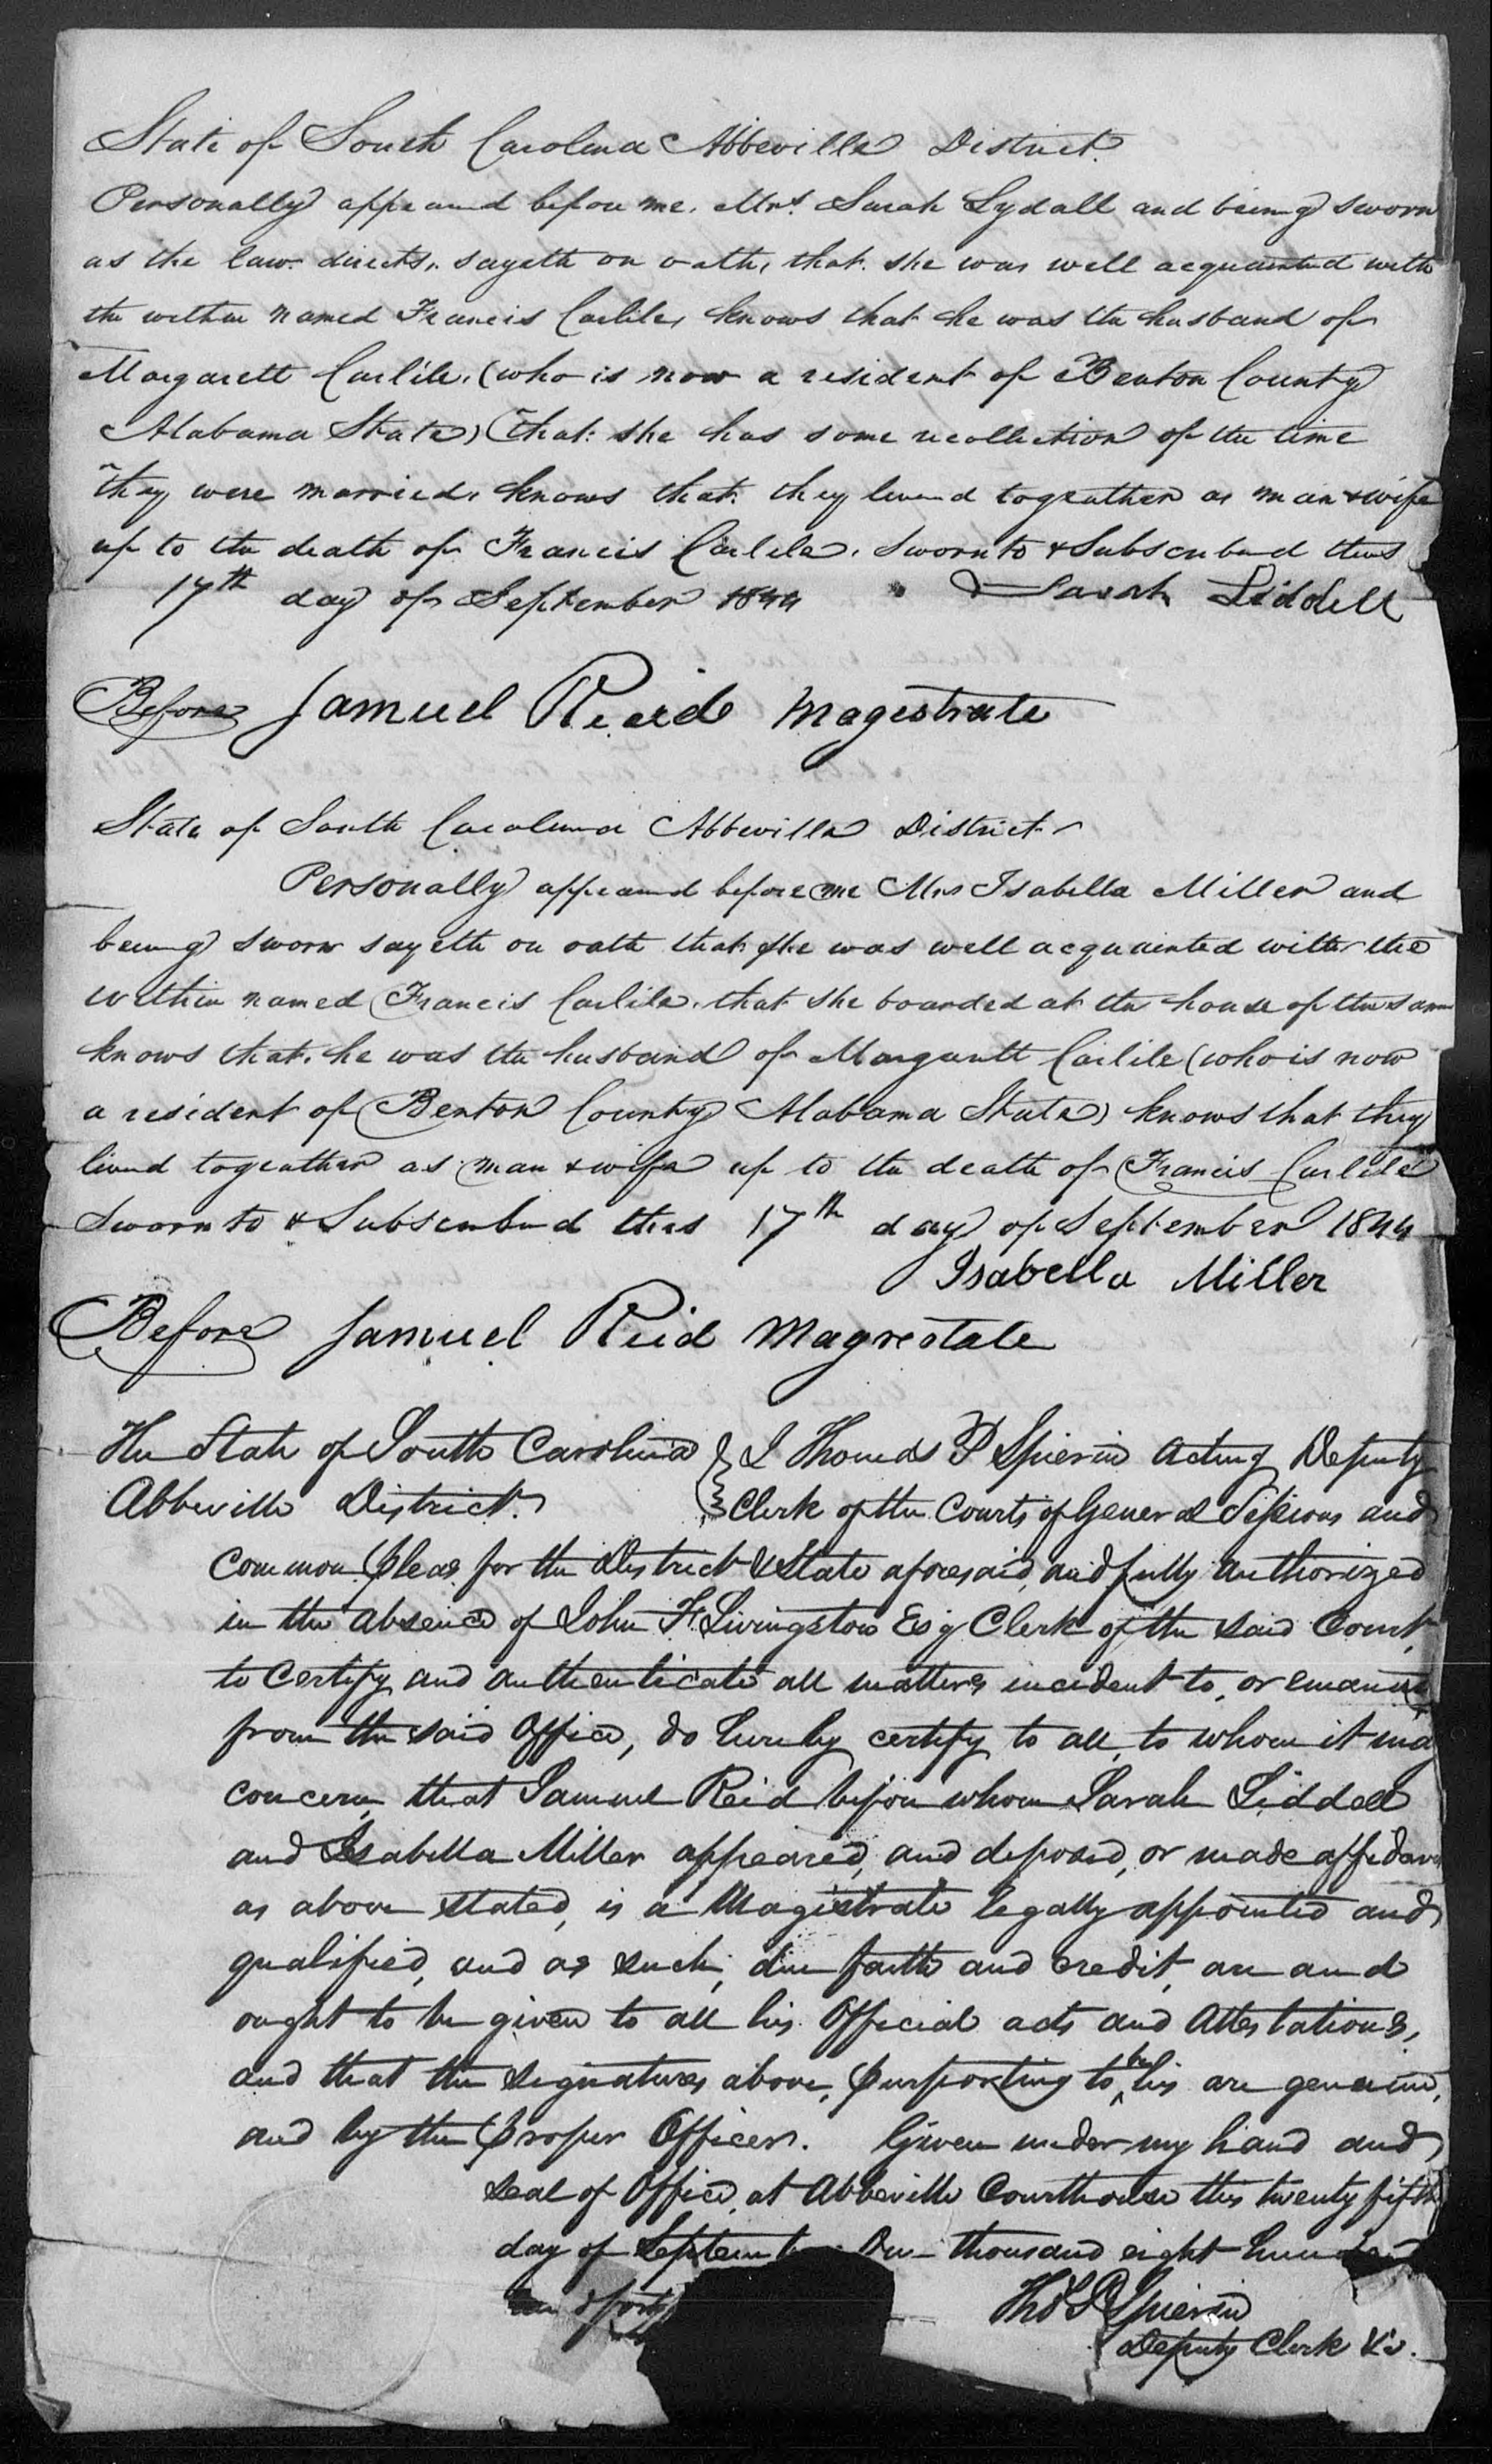State of South Carolina Abbeville District
Personally appeared before me, Mrs Sarah Lydall and being sworn as the law directs sayeth on oath, that she was well acquainted with the within named Francis Carlisle knows that he was the husband of Margaret Carlisle, (who is now a resident of Benton County, Alabama State), that she has some recollection of the time they were married, knows that they lived together as man & wife up to the death of Francis Carlisle, Sworn to & Subscribed this 17th day of September 1844
[signed] Sarah Liddell
Before Samuel Reid Magistrate

State of South Carolina Abbeville District
Personally appeared before me Mrs. Isabella Miller and being sworn sayeth on oath that he was well acquainted with the within named Francis Carlisle, that she boarded at the house of the same knows that he was the husband of Margaret Carlisle (who is now a resident of Benton County Alabama State) knows that they lived together as man & wife up to the death of Francis Carlisle
[signed] Isabella Miller
Sworn to & Subscribed this 17th day of September 1844
Samuel Reid Magistrate

State of South Carolina
Abbeville District
I Thomas P Spieren acting Deputy Clerk of the Court of General Sessions and Common Pleas for the district & State aforesaid and fully authorized in the absence of John F. Livingston Esq Clerk of the said Court to certify and authenticate all matters incident to or emanating from the said Office, do hereby certify to all to whom it may concern that Samuel Reid before whom Sarah Liddell and Isabella Miller appeared, and deposed or made affidavit as above stated, is a magistrate legally appointed and qualified, and as such due faith and credit are and ought to be given to all his official acts and attestations, and that the signatures above purporting to be his are genuine. and by the proper Officer. Given under my hand and Seal of Office at Abbeville Courthouse this twenty fifth
day of September One thousand eight hundred and forty-eight
Thos Spieren
Deputy Clerk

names: Francis Carliles, Sarah Lydall, Margarett Carlile, Sarah Liddell, Francis Carlile, Francis Carlile, Samuel Reid, Isabella Miller, Sarah Liddell, Francis Carlile, Margarett Carlile, Isabella Miller, Samuel Reaid, Samuel Reid, Thos P Spierin, Isabella Miller, Thomas P Spierin, John F Livingston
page: 35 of 91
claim: widow's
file: W. 10576, Francis Carlisle, S.C.